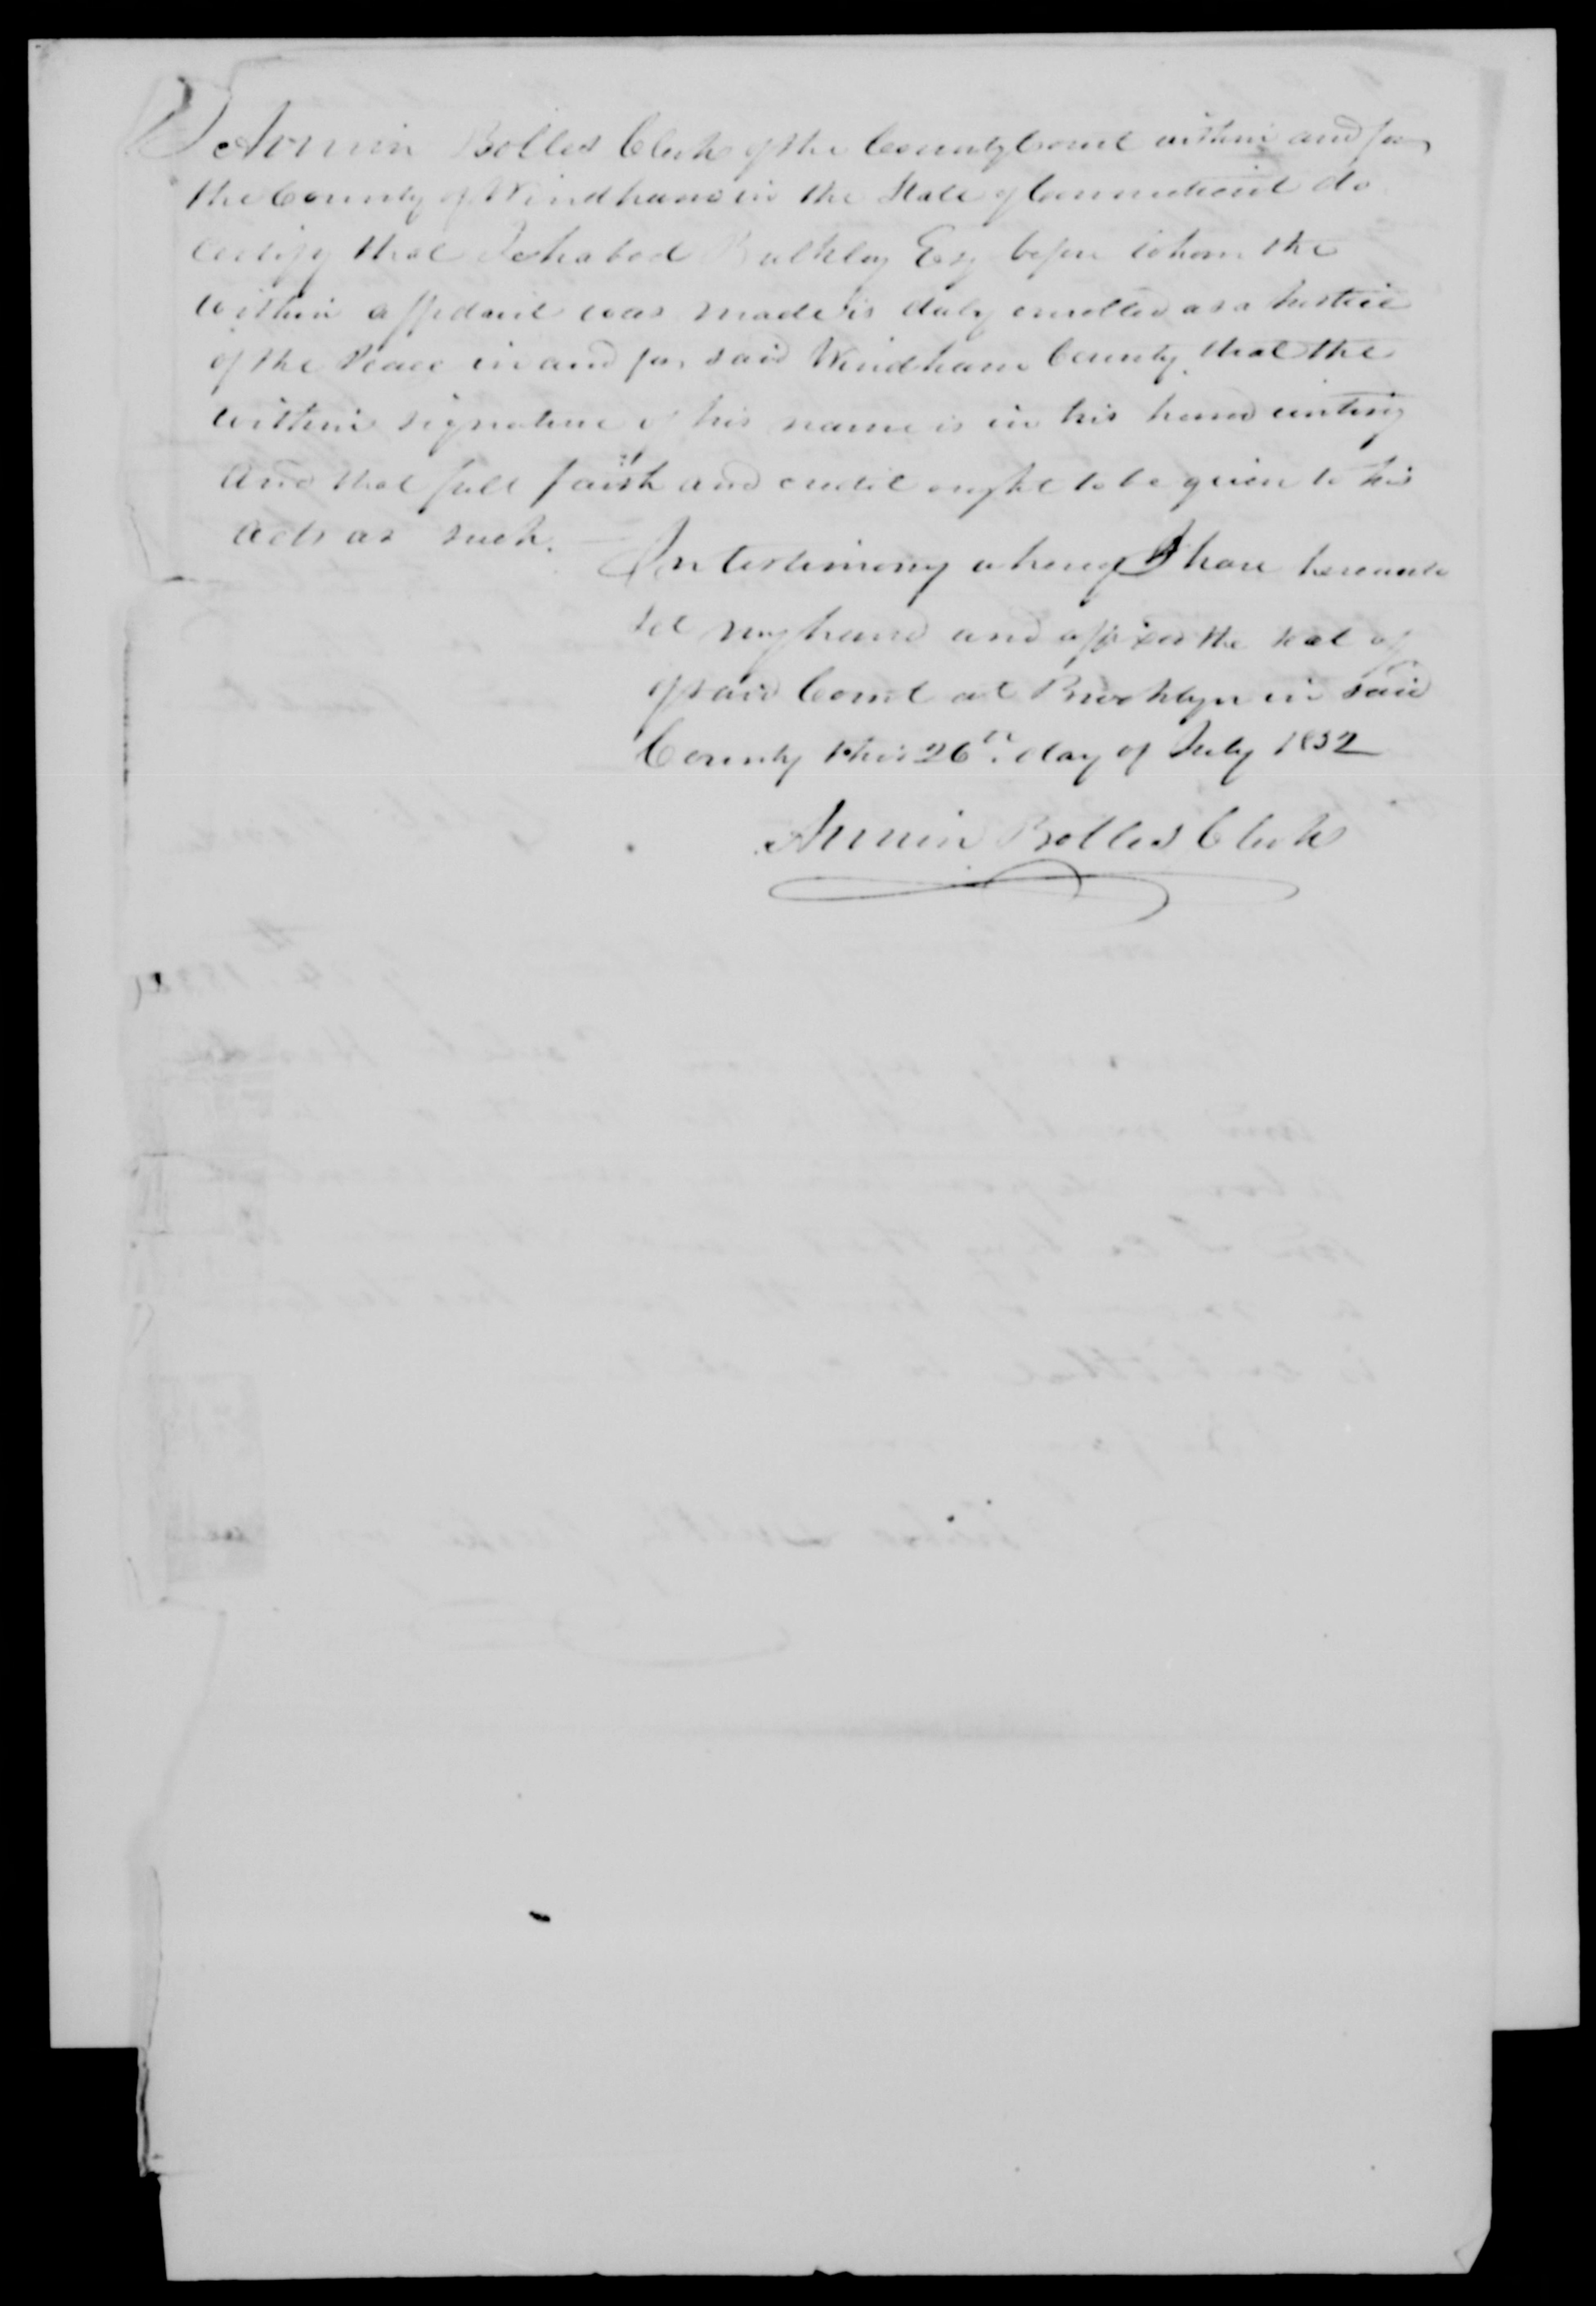Annin Bolles Clerk of the County Court within and for the county of Windham in the State of Connecticut do certify that Ichabod Buckley Esq. before whom the written affidavit was made is duly certified as a Justice of the Peace in and for said Windham County that the within signature of his name is in his hand within an that full faith and [illegible] [illegible] to be given to his  oath as such. 
In testimony when I have [illegible] to my hand and affixed the seal of said Court at Burlington said County this 26th day of July 1832. 
Annin Bolles Clerk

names: Annin Bolles; Annin Bolles; Ichabod Bulkley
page: 54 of 70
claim: rejected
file: R. 10,026, for Ephraim Squier, Connecticut